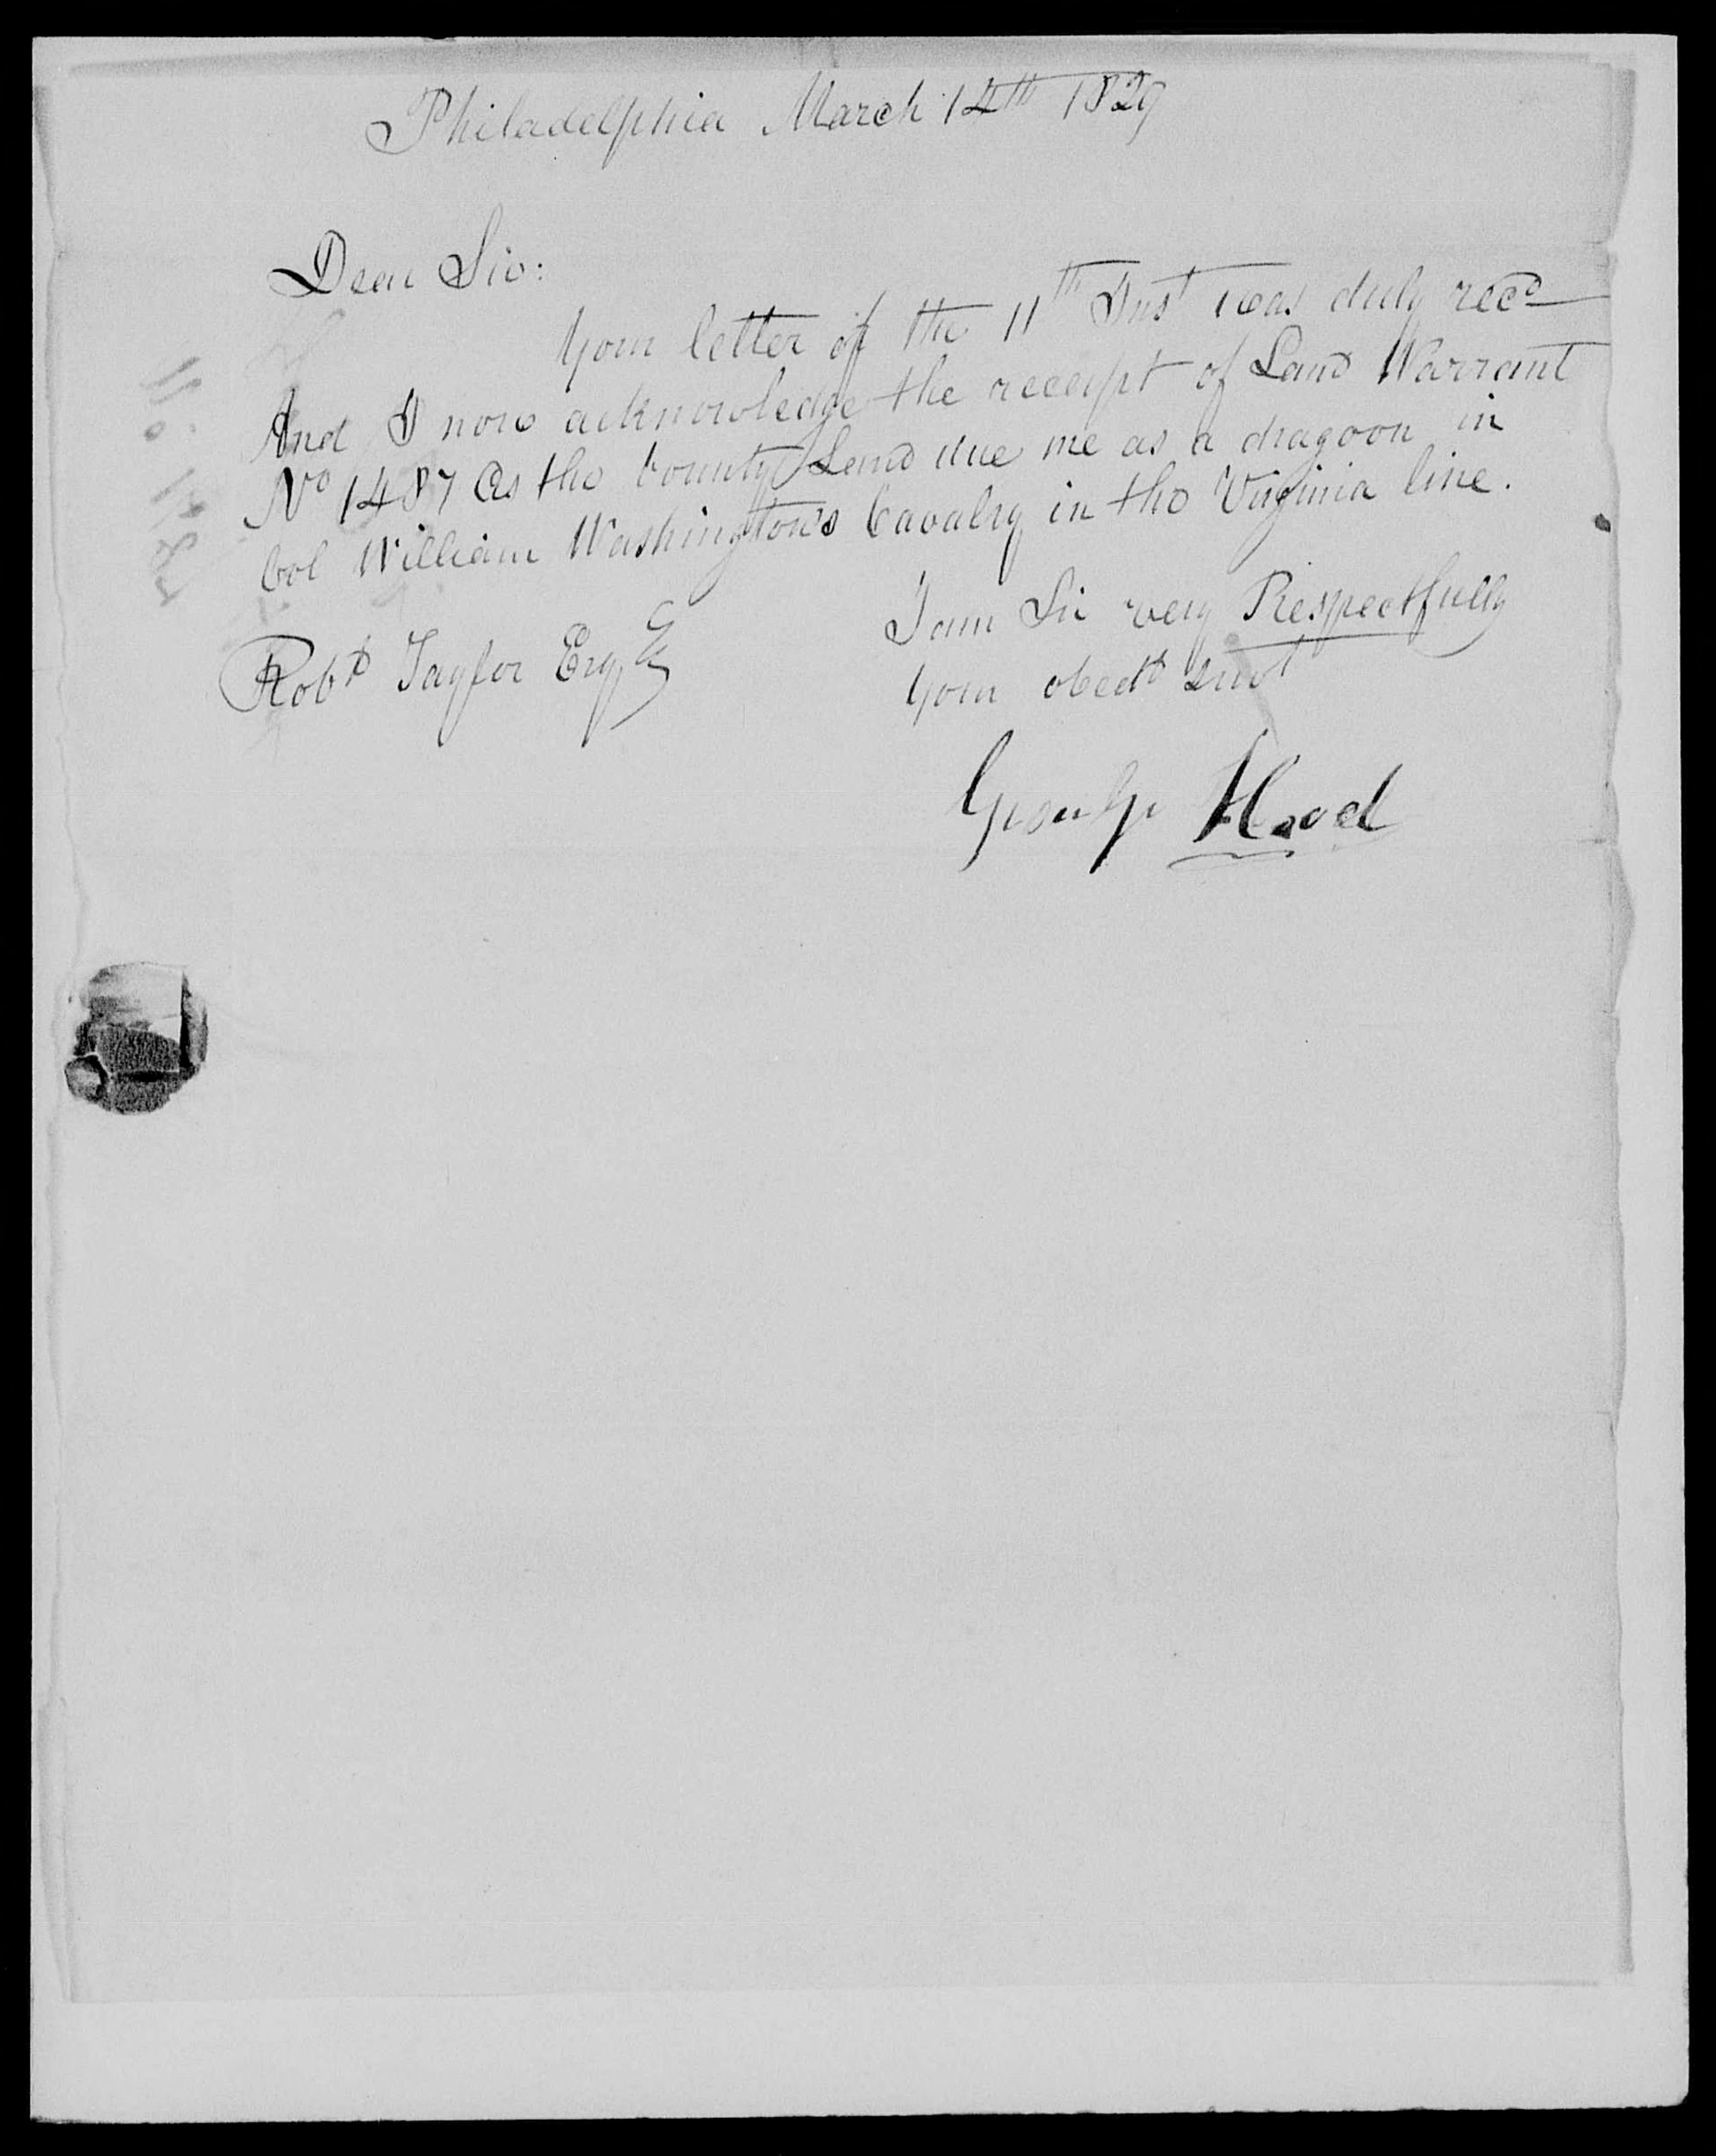Philadelphia March 14th, 1829
Dear sir,
Your letter of the 11th just was duly received. And I now acknowledge the receipt of Land Warrant No. 1487 as the bounty served due me as a dragoon in Col. William Washington’s Cavalry in the Virginia line. 
Robert Taylor, Esq. 
I am sir respectfully your most obedient servant,
George Hood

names: George Hood, Robt Taylor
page: 23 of 51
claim: widow's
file: W 8939, George Hood, Continental Va.